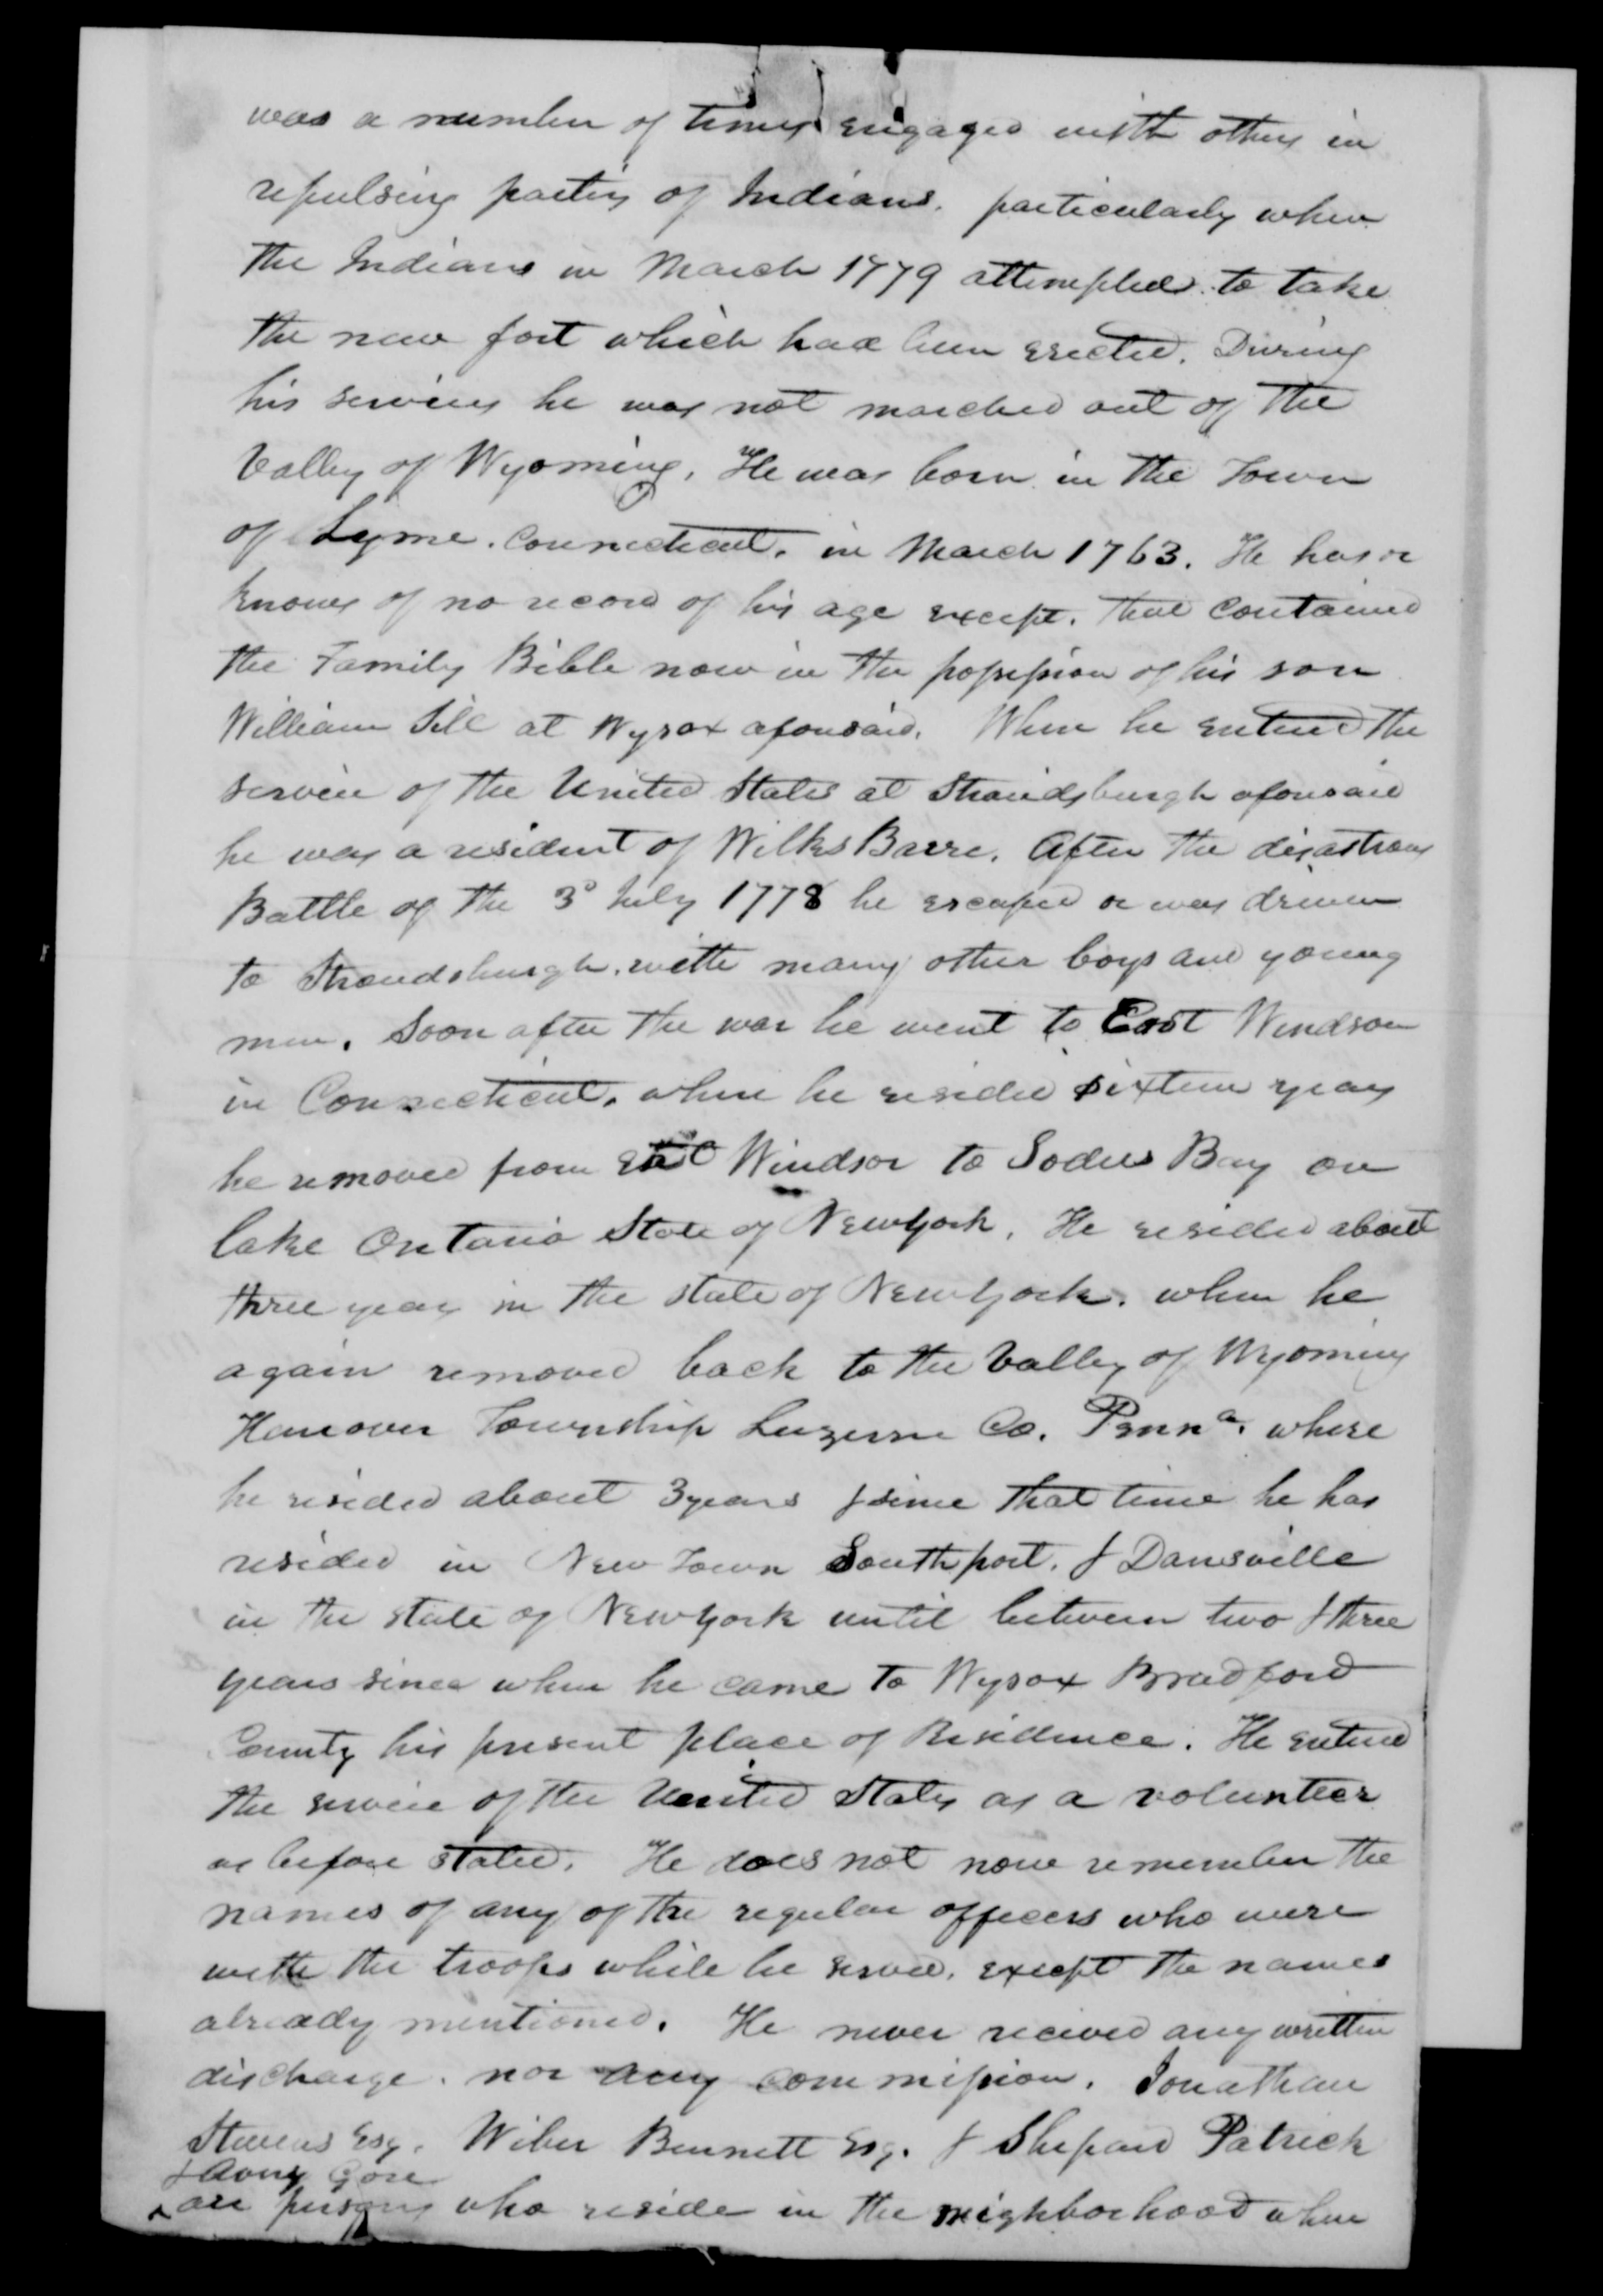Was a member of troops engaged with others in  repulsing battery of Indians particularly when the Indians in March 1779 attempted to take the new fort which had been erected. [illegible] his services, he was not marched out of the valley of Wyoming. He was born in the Town of Lyme, Connecticut in March 1763. He has or or known of no record of his age except that contained in the Family Bible now in the possession of of his son, William Sill at Mysox aforesaid. When he enlisted the service of the United States at Strausburgh aforesaid he was a resident of Wilks Barre. After the devastating Battle of the 3rd July 1778 he escaped or was driven to Straudsburgh with many other boys and young men. Soon after the war he went to East Windsor in Connecticut where he resided sixteen years. He moved from East Windsor to Sodus Bay or Lake Ontario, State of New York. He resided about three years in the State of New York when he again removed back to the Valley of Wyoming, Hanover [illegible] Luzerne Co. Penna, where he resided about 3 years. Since that time he has resided in New Town, Southport, & Dansville in the State of New York until between two & three years since when he came to Mysox Bradford County his present place of residence. He enlisted the service of the United States as a volunteer as before stated. He does not now remember the names of any of the regular officers who were with the troops while he served, except the names already mentioned. He never received any written discharge, nor any commission. Jonathan Steven’s, Esq, Wilber Bennett Esq., J. Shepard Patrick  & [illegible] are persons who reside in the neighborhood where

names: Jonathan Stevens; Wilber Bennett; Shepard Patrick; William Sill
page: 5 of 29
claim: rejected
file: R. 9570, for Jabez Sill, Connecticut